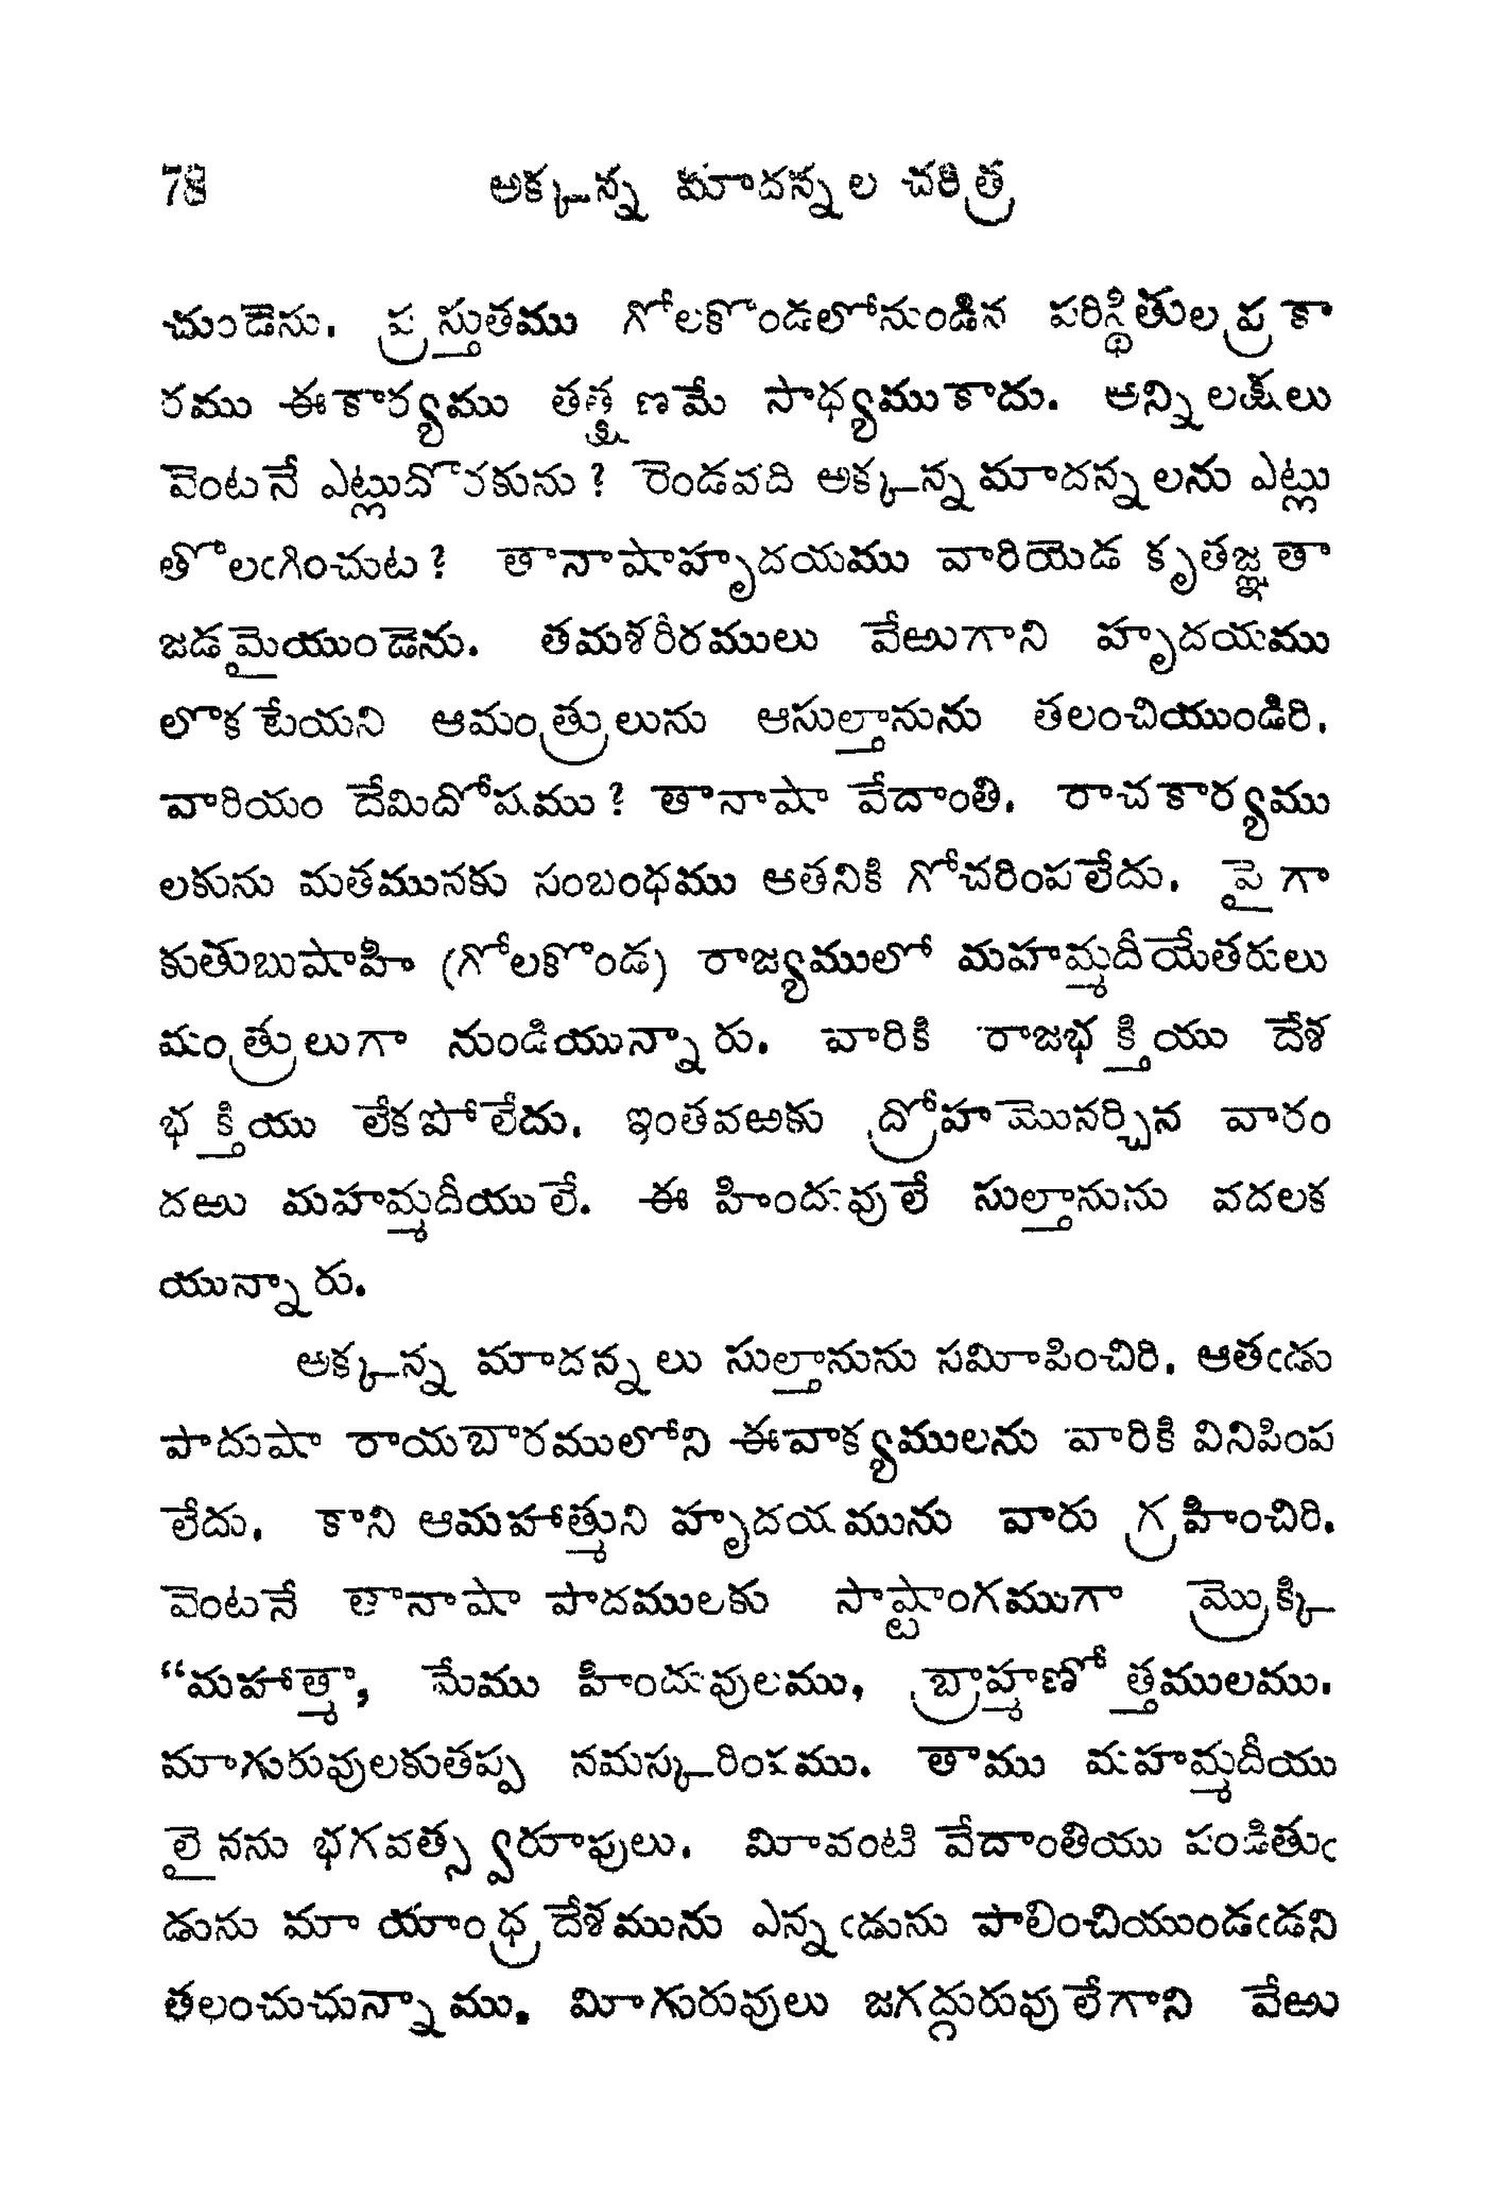చుండెను. ప్రస్తుతము గోలకొండలోనుండిన పరిస్థితులప్రకారము ఈకార్యము తత్క్షణమే సాధ్యముకాదు. అన్నిలక్షలు వెంటనే ఎట్లుదొరకును? రెండవది అక్కన్నమాదన్నలను ఎట్లు తొలఁగించుట? తానాషాహృదయము వారియెడ కృతజ్ఞతా జడమైయుండెను. తమశరీరములు వేఱుగాని హృదయము లొకటేయని ఆమంత్రులును ఆసుల్తానును తలంచియుండిరి. వారియం దేమిదోషము? తానాషా వేదాంతి. రాచకార్యములకును మతమునకు సంబంధము ఆతనికి గోచరింపలేదు. పైగా కుతుబుషాహి (గోలకొండ) రాజ్యములో మహమ్మదీయేతరులు మంత్రులుగా నుండియున్నారు. వారికి రాజభక్తియు దేశభక్తియు లేకపోలేదు. ఇంతవఱకు ద్రోహమొనర్చిన వారందఱు మహమ్మదీయులే. ఈ హిందువులే సుల్తానును వదలక యున్నారు.

అక్కన్న మాదన్నలు సుల్తానును సమీపించిరి. ఆతఁడు పాదుషా రాయబారములోని ఈవాక్యములను వారికి వినిపింప లేదు. కాని ఆమహాత్ముని హృదయమును వారు గ్రహించిరి. వెంటనే తానాషా పాదములకు సాష్టాంగముగా మ్రొక్కి “మహాత్మా, మేము హిందువులము, బ్రాహణోత్తములము. మాగురువులకుతప్ప నమస్కరింపము. తాము మహమ్మదీయు లైనను భగవత్స్వరూపులు. మీవంటి వేదాంతియు పండితుఁడును మా యాంధ్రదేశమును ఎన్నఁడును పాలించియుండఁడని తలంచుచున్నాము, మీగురువులు జగద్గురువులేగాని వేఱు